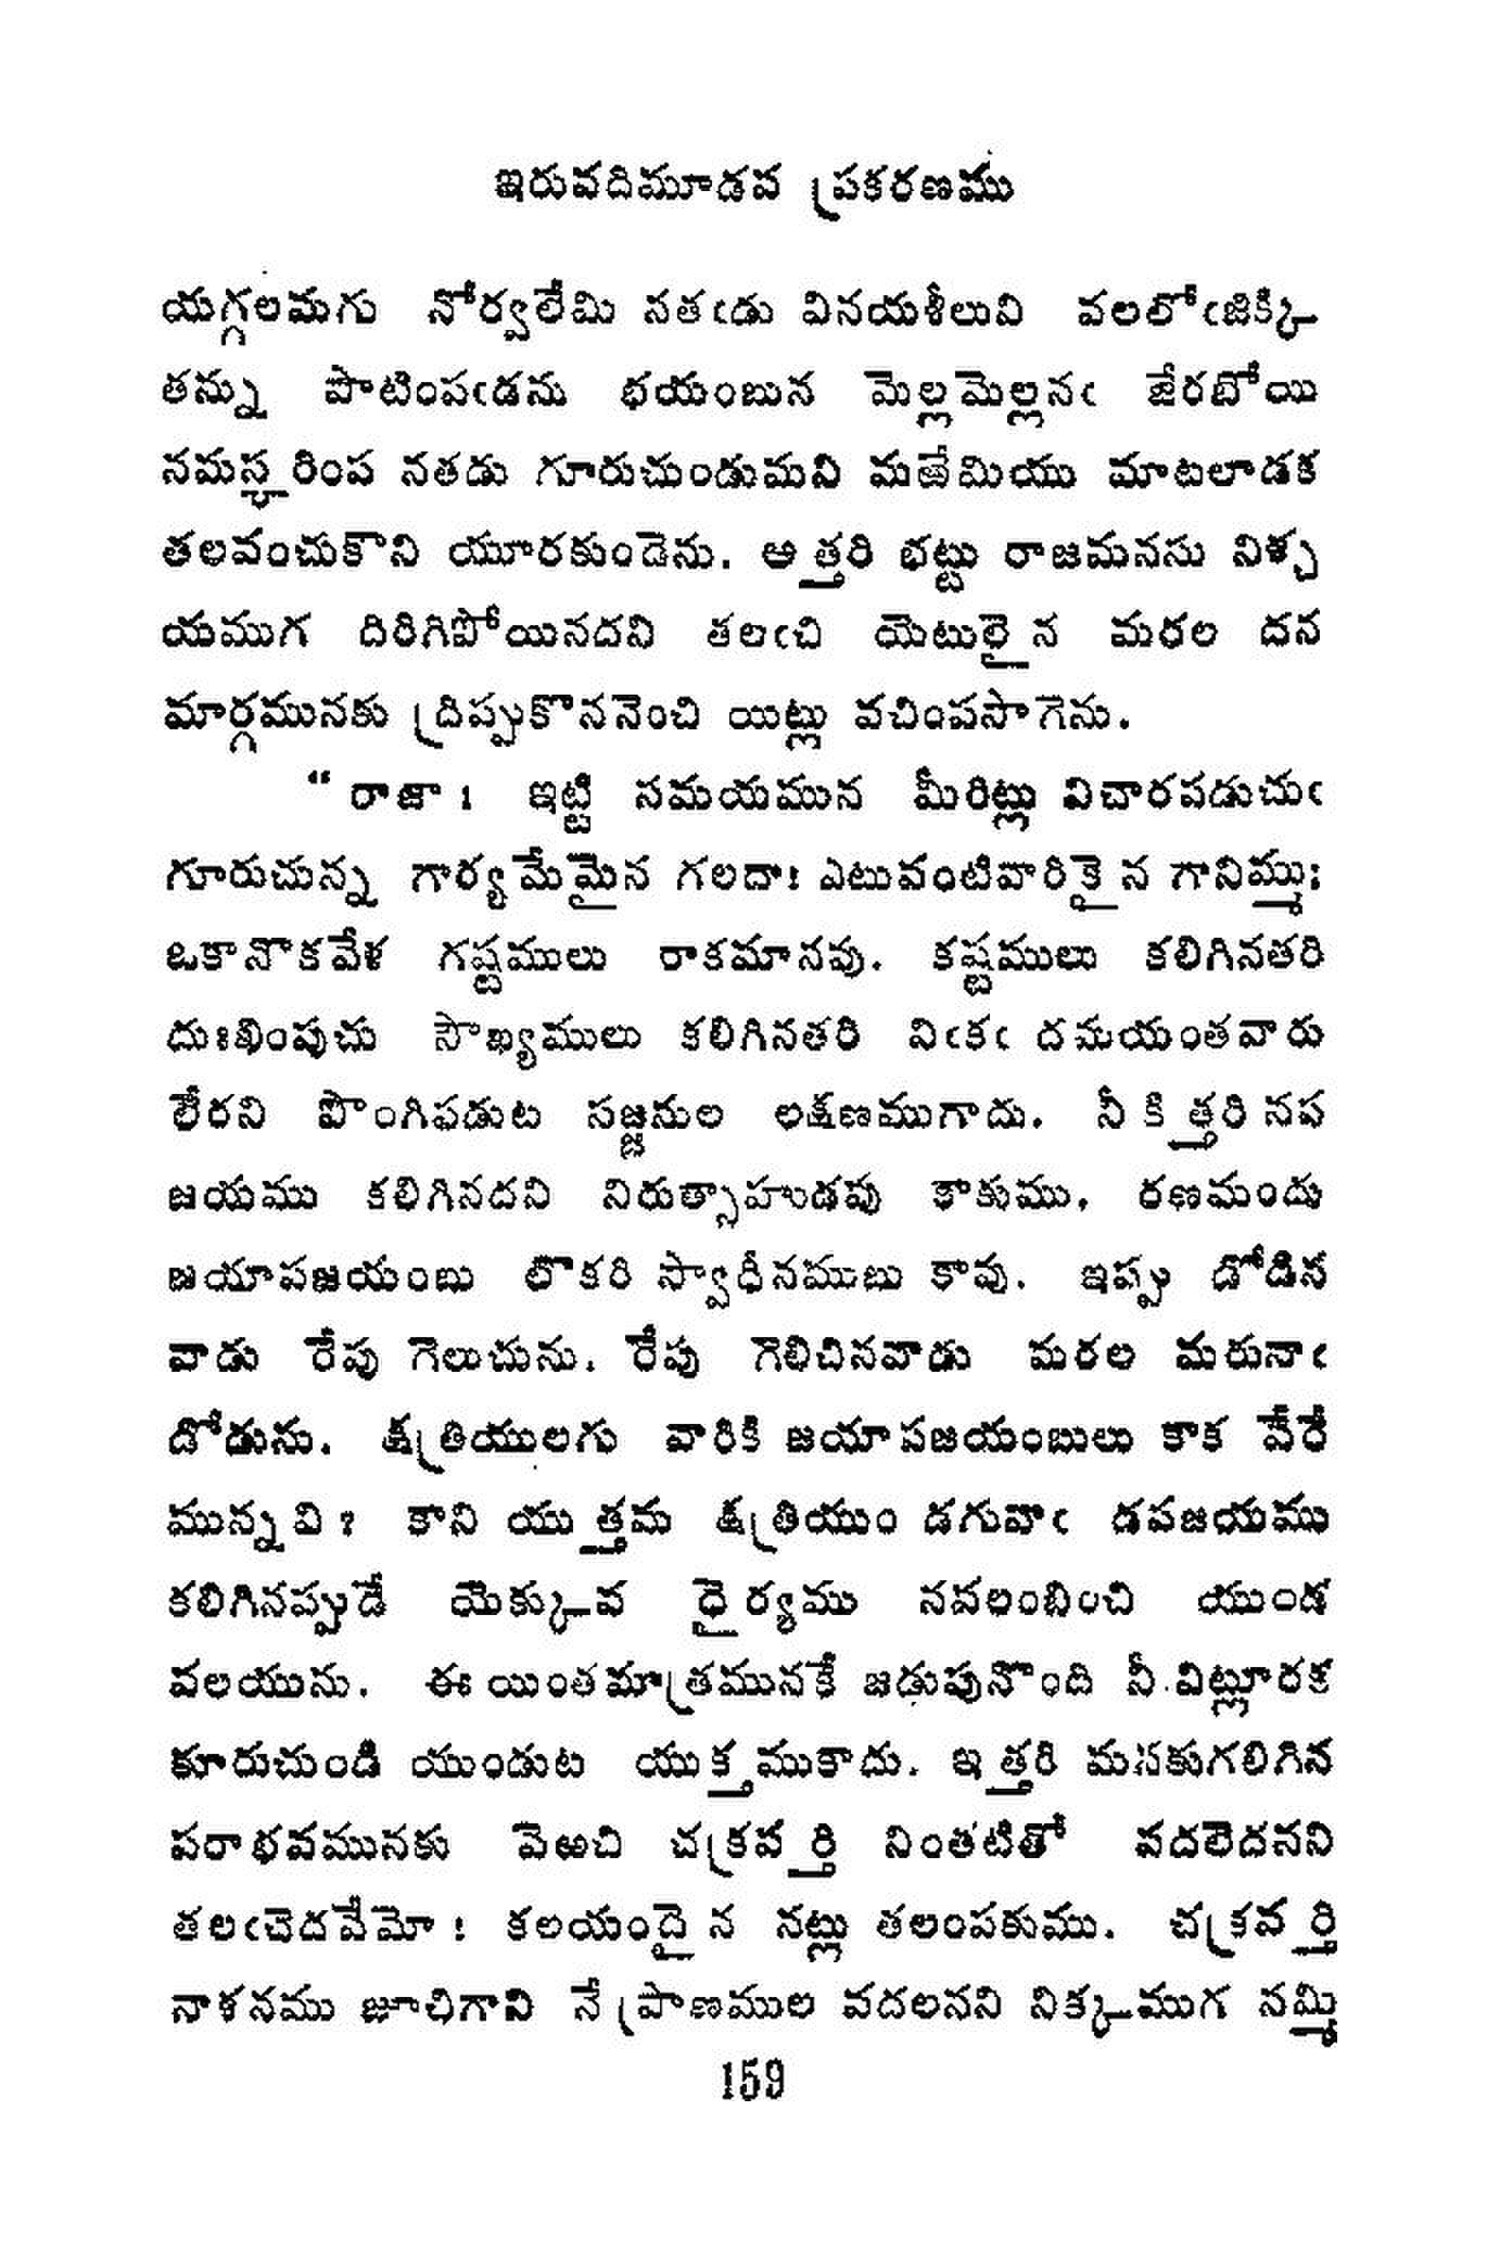యగ్గలమగు నోర్వలేమి నతఁడు వినయశీలుని వలలోఁజిక్కి తన్ను పాటింపఁడను భయంబున మెల్లమెల్లనఁ జేరబోయి నమస్కరింప నతడు గూరుచుండుమని మఱేమియు మాటలాడక తలవంచుకొని యూరకుండెను. అత్తరి భట్టు రాజమనసు నిశ్చయముగ దిరిగిపోయినదని తలఁచి యెటులైన మరల దన మార్గమునకు ద్రిప్పుకొననెంచి యిట్లు వచింపసాగెను.

“రాజా! ఇట్టి సమయమున మీరిట్లు విచారపడుచుఁ గూరుచున్న గార్యమేమైన గలదా! ఎటువంటివారికైన గానిమ్ము; ఒకానొకవేళ గష్టములు రాకమానవు. కష్టములు కలిగినతరి దుఃఖింపుచు సౌఖ్యములు కలిగినతరి నిఁకఁదమయంతవారు లేరని పొంగిపడుట సజ్జనుల లక్షణముగాదు. నీ కిత్తరి నపజయము కలిగినదని నిరుత్సాహుడవు కాకుము. రణమందు జయాపజయంబు లొకరి స్వాధీనములు కావు. ఇప్పు డోడిన వాడు రేపు గెలుచును. రేపు గెలిచినవాడు మరల మరునాఁ డోడును. క్షత్రియులగు వారికి జయాపజయంబులు కాక వేరే మున్నవి? కాని యుత్తమ క్షత్రియుం డగువాఁ డపజయము కలిగినప్పుడే యెక్కువ ధైర్యము నవలంబించి యుండ వలయును. ఈ యింతమాత్రమునకే జడుపునొంది నీ విట్లూరక కూరుచుండి యుండుట యుక్తముకాదు. ఇత్తరి మనకుగలిగిన పరాభవమునకు వెఱచి చక్రవర్తి నింతటితో వదలెదనని తలఁచెదవేమో ! కలయందైన నట్లు తలంపకుము. చక్రవర్తి నాశనము జూచిగాని నే ప్రాణముల వదలనని నిక్కముగ నమ్మి